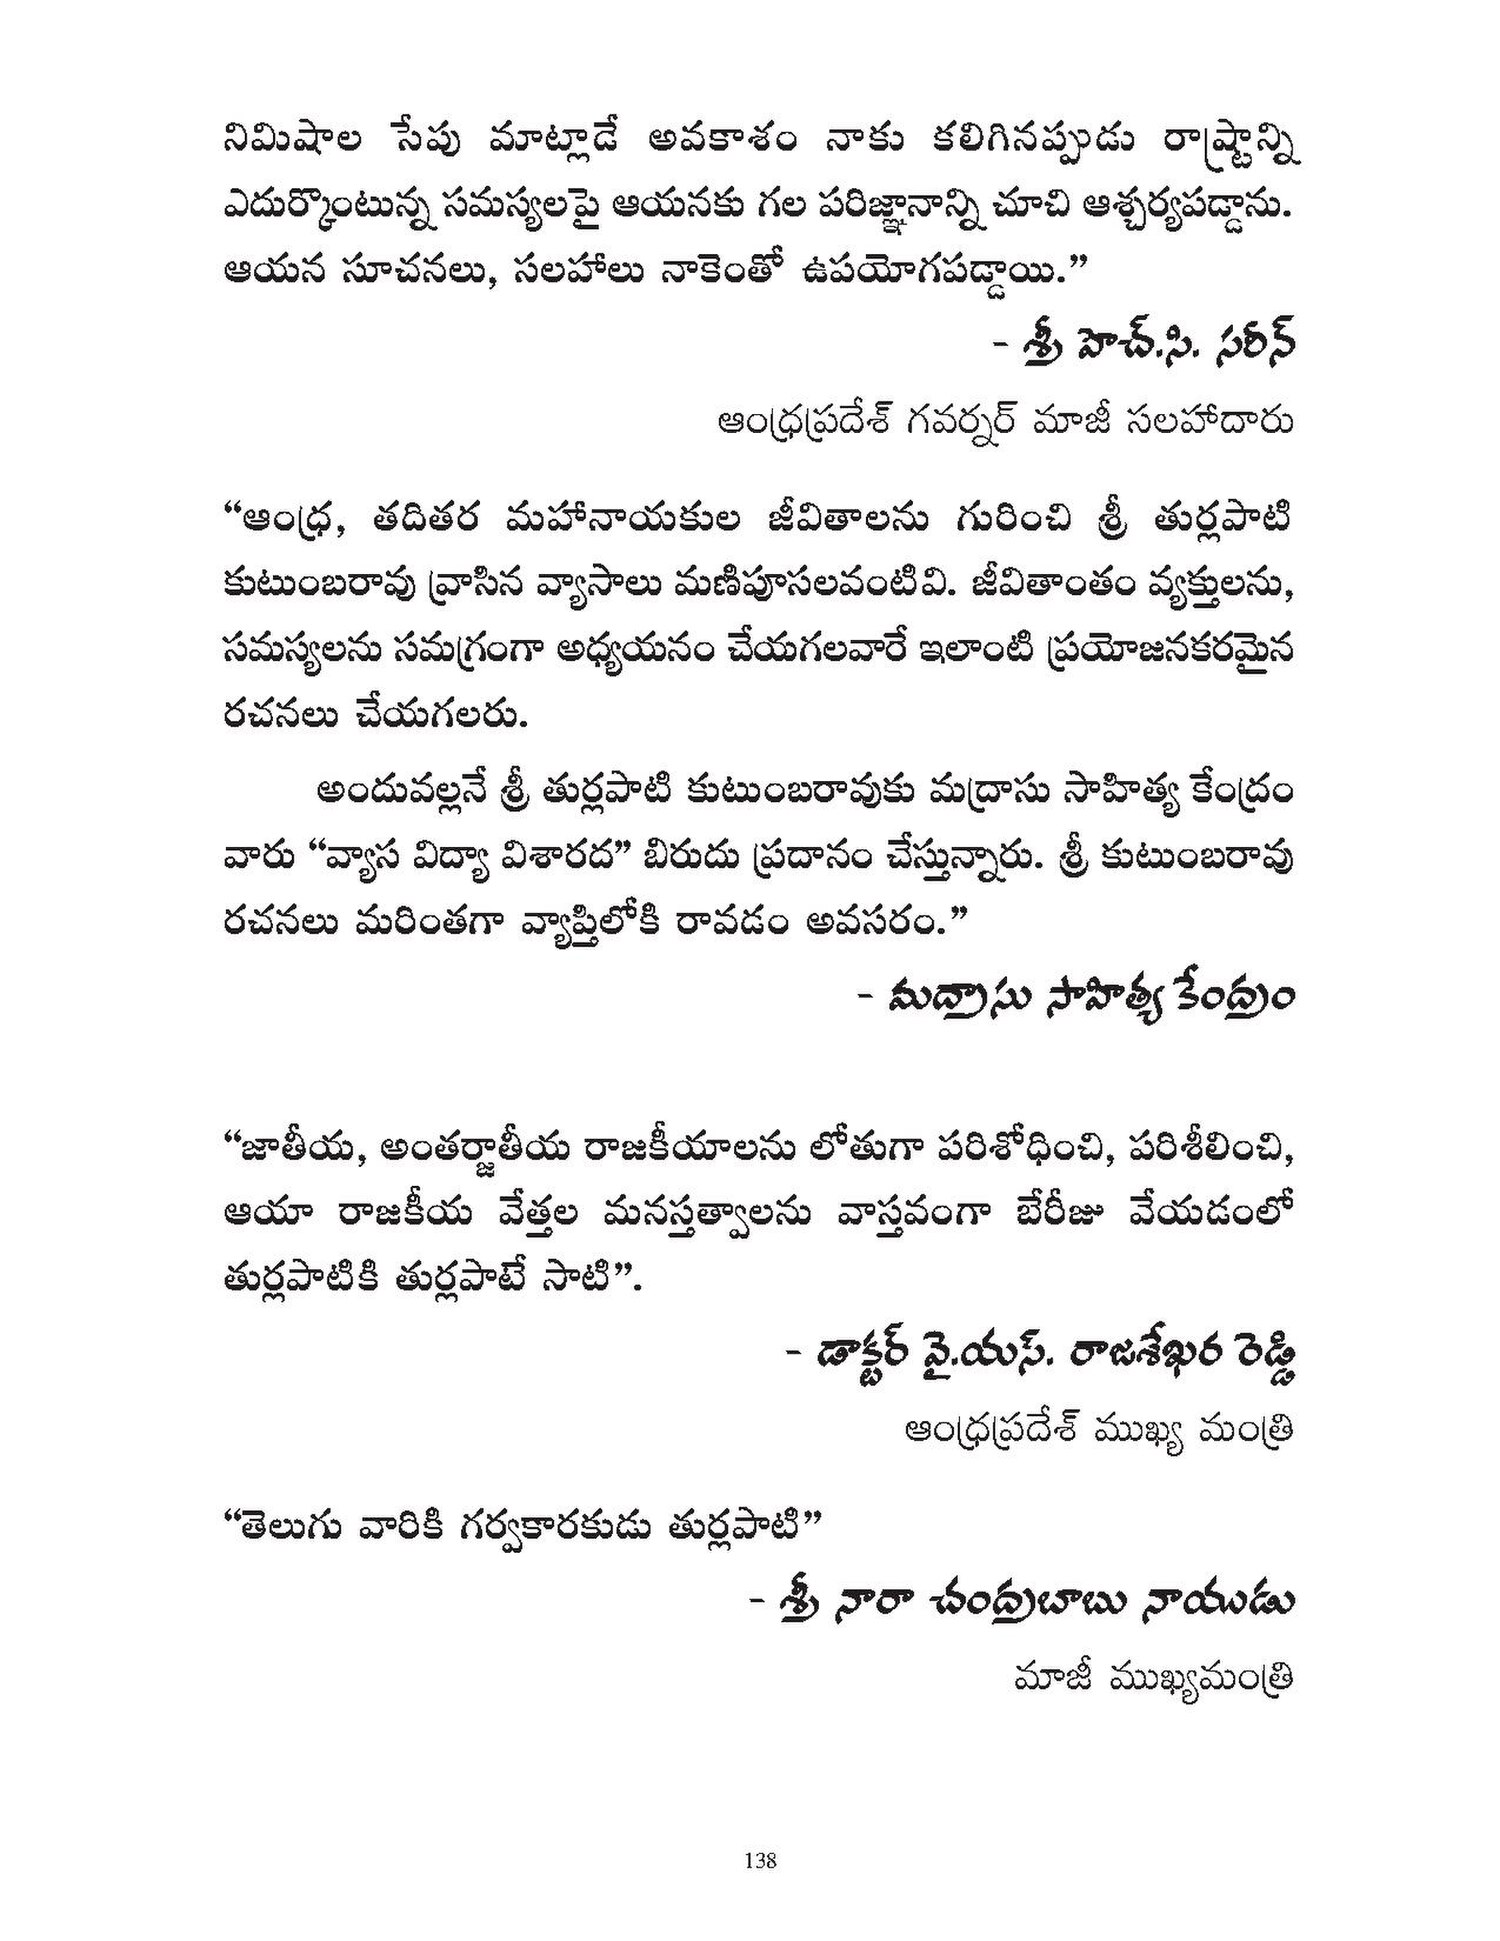నిమిషాల సేపు మాట్లాడే అవకాశం నాకు కలిగినప్పుడు రాష్ట్రాన్ని
ఎదుర్కొంటున్న సమస్యలపై ఆయనకు గల పరిజ్ఞానాన్ని చూచి ఆశ్చర్యపడ్డాను.
ఆయన సూచనలు, సలహాలు నాకెంతో ఉపయోగపడ్డాయి."

"ఆంధ్ర, తదితర మహానాయకుల జీవితాలను గురించి శ్రీ తుర్లపాటి
కుటుంబరావు వ్రాసిన వ్యాసాలు మణిపూసలవంటివి. జీవితాంతం వ్యక్తులను,
సమస్యలను సమగ్రంగా అధ్యయనం చేయగలవారే ఇలాంటి ప్రయోజనకరమైన
రచనలు చేయగలరు.
అందువల్లనే శ్రీ తుర్లపాటి కుటుంబరావుకు మద్రాసు సాహిత్య కేంద్రం
వారు "వ్యాస విద్యా విశారద" బిరుదు ప్రదానం చేస్తున్నారు. శ్రీ కుటుంబరావు
రచనలు మరింతగా వ్యాప్తిలోకి రావడం అవసరం."

"జాతీయ, అంతర్జాతీయ రాజకీయాలను లోతుగా పరిశోధించి, పరిశీలించి,
ఆయా రాజకీయ వేత్తల మనస్తత్వాలను వాస్తవంగా బేరీజు వేయడంలో
తుర్లపాటికి తుర్లపాటే సాటి".

"తెలుగు వారికి గర్వకారకుడు తుర్లపాటి"